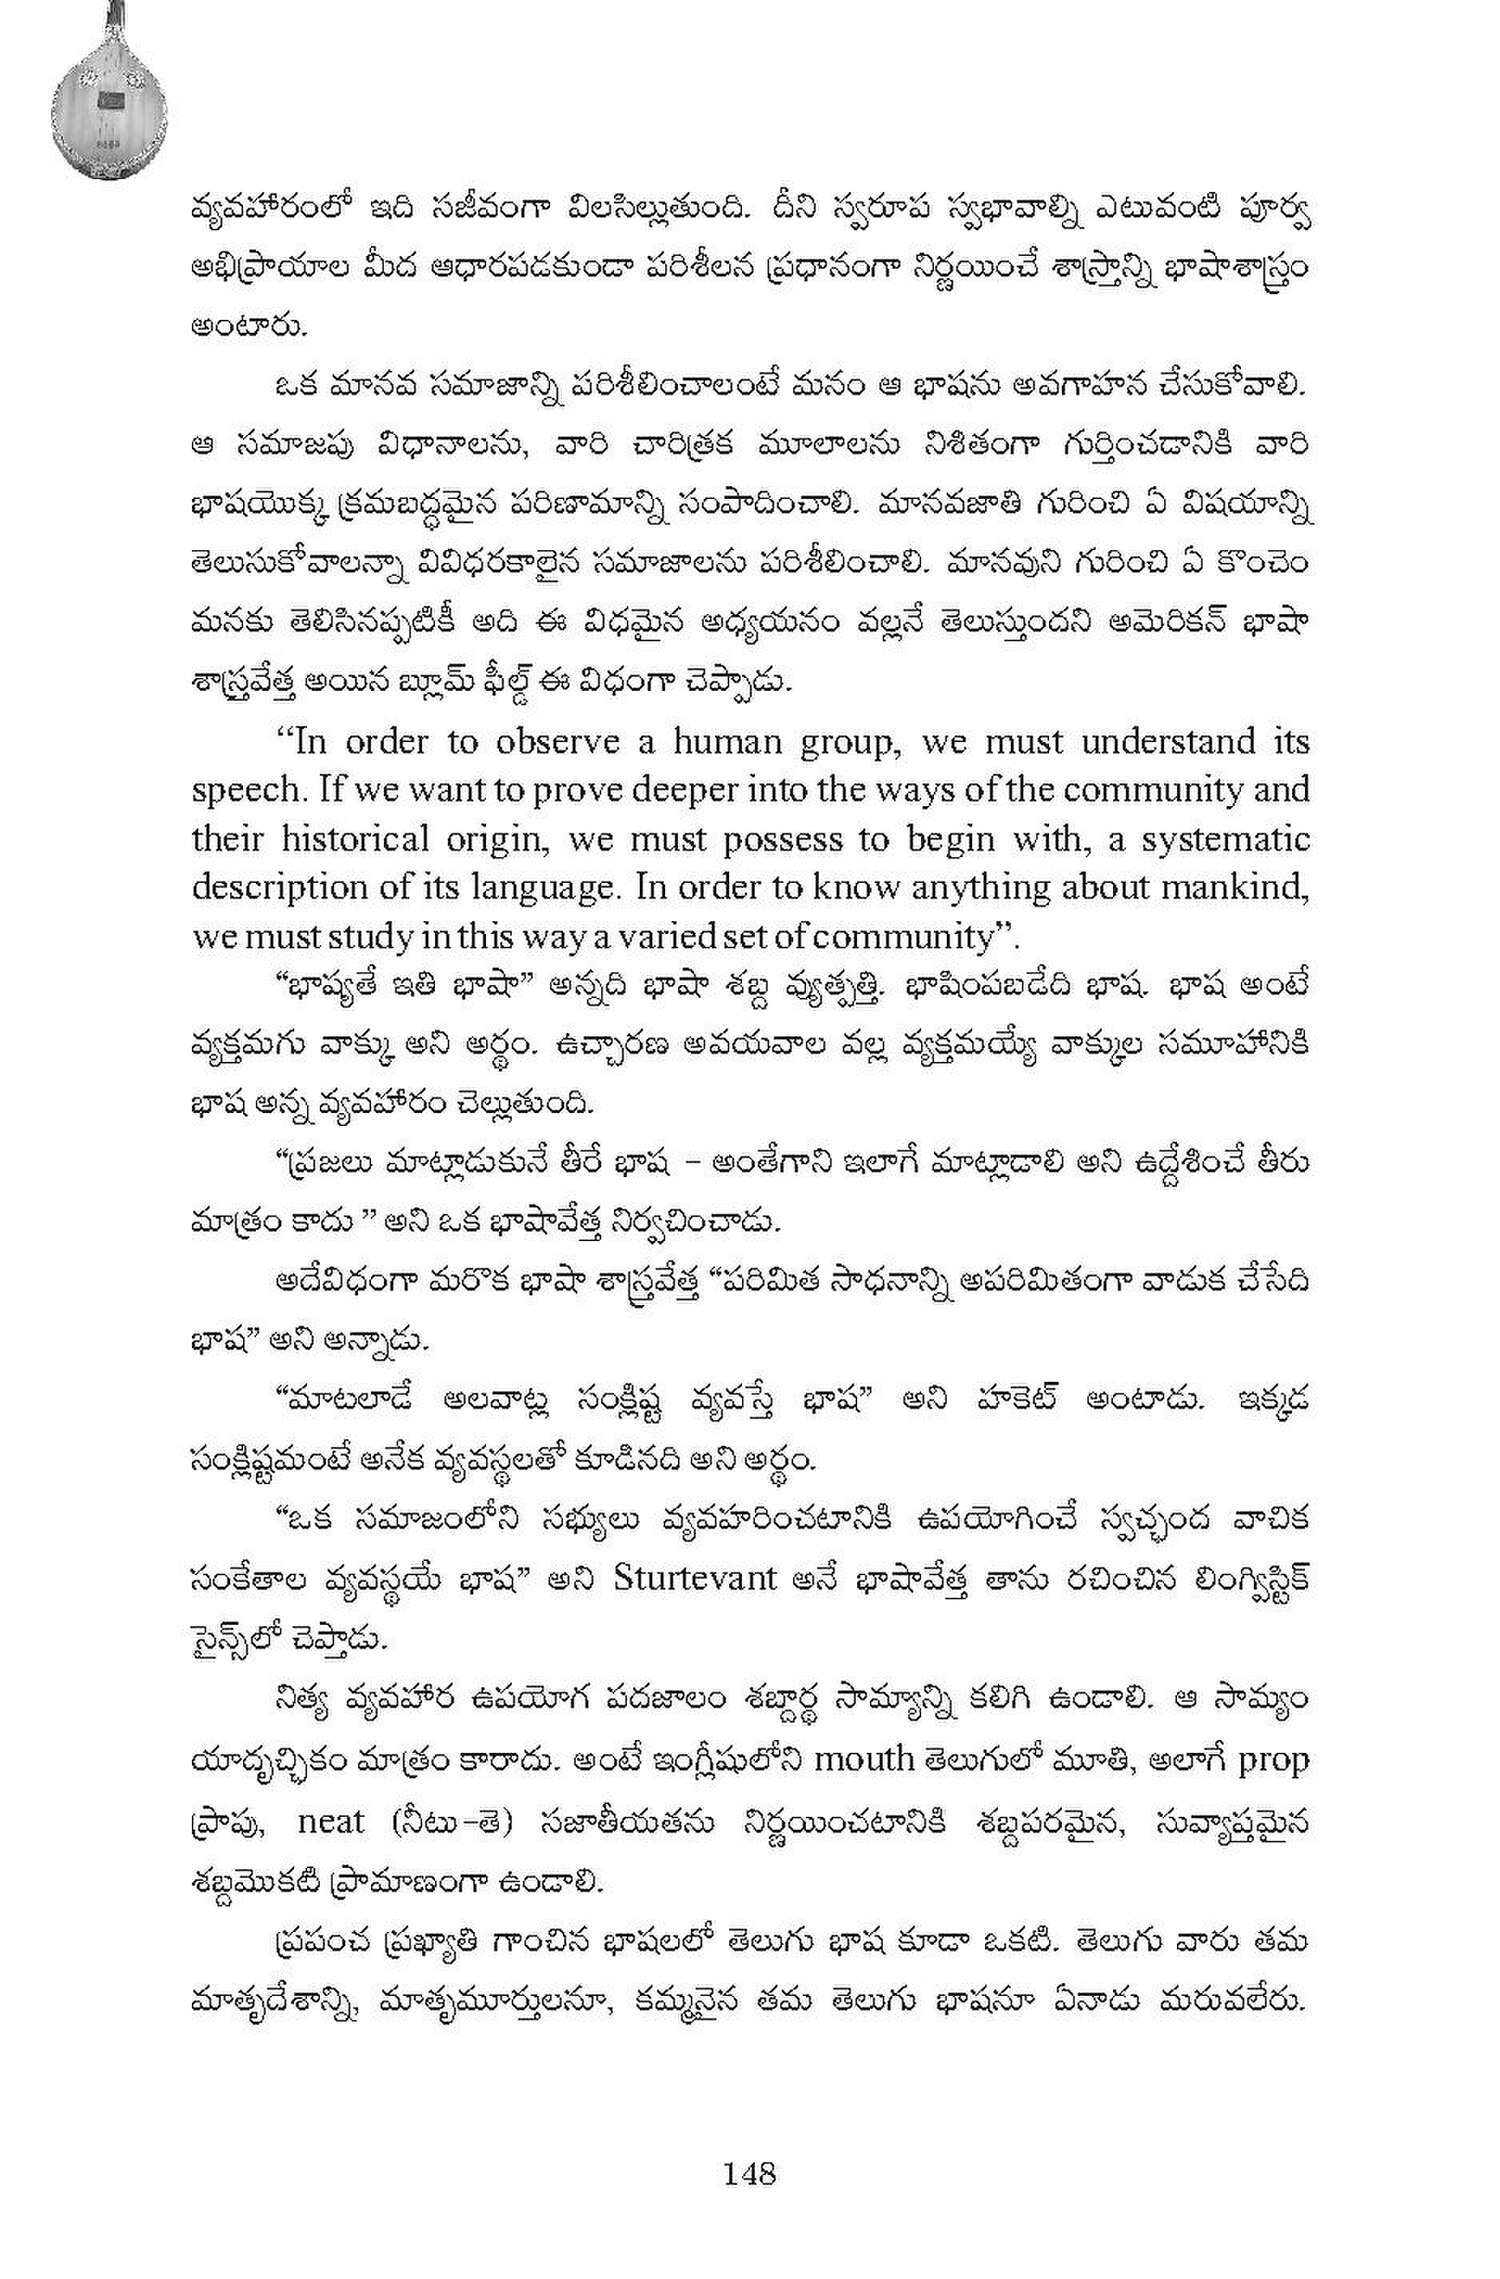వ్యవహారంలో ఇది సజీవంగా విలసిల్లుతుంది. దీని స్వరూప స్వభావాల్ని ఎటువంటి పూర్వ అభిప్రాయాల మీద ఆధారపడకుండా పరిశీలన ప్రధానంగా నిర్ణయించే శాస్త్రాన్ని భాషాశాస్త్రం అంటారు.

ఒక మానవ సమాజాన్ని పరిశీలించాలంటే మనం ఆ భాషను అవగాహన చేసుకోవాలి. ఆ సమాజపు విధానాలను, వారి చారిత్రక మూలాలను నిశితంగా గుర్తించడానికి వారి భాషయొక్క క్రమబద్ధమైన పరిణామాన్ని సంపాదించాలి. మానవజాతి గురించి ఏ విషయాన్ని తెలుసుకోవాలన్నా వివిధరకాలైన సమాజాలను పరిశీలించాలి. మానవుని గురించి ఏ కొంచెం
మనకు తెలిసినప్పటికీ అది ఈ విధమైన అధ్యయనం వల్లనే తెలుస్తుందని అమెరికన్ భాషా శాస్త్రవేత్త అయిన బ్లూమ్ ఫీల్డ్ ఈ విధంగా చెప్పాడు.

"In order to observe a human group, we must understand its speech. If we want to prove deeper into the ways of the community and their historical origin, we must possess to begin with, a systematic
description of its language. In order to know anything about mankind, we must study in this way a varied set of community".

“భాష్యతే ఇతి భాషా” అన్నది భాషా శబ్ద వ్యుత్పత్తి. భాషింపబడేది భాష. భాష అంటే వ్యక్తమగు వాక్కు అని అర్థం. ఉచ్చారణ అవయవాల వల్ల వ్యక్తమయ్యే వాక్కుల సమూహానికి భాష అన్న వ్యవహారం చెల్లుతుంది.

"ప్రజలు మాట్లాడుకునే తీరే భాష - అంతేగాని ఇలాగే మాట్లాడాలి అని ఉద్దేశించే తీరు మాత్రం కాదు ” అని ఒక భాషావేత్త నిర్వచించాడు.

అదేవిధంగా మరొక భాషా శాస్త్రవేత్త "పరిమిత సాధనాన్ని అపరిమితంగా వాడుక చేసేది భాష" అని అన్నాడు.

“మాటలాడే అలవాట్ల సంక్లిష్ట వ్యవస్తే భాష" అని హకెట్ అంటాడు. ఇక్కడ సంక్లిష్టమంటే అనేక వ్యవస్థలతో కూడినది అని అర్థం.

“ఒక సమాజంలోని సభ్యులు వ్యవహరించటానికి ఉపయోగించే స్వచ్ఛంద వాచిక సంకేతాల వ్యవస్థయే భాష" అని Sturtevant అనే భాషావేత్త తాను రచించిన లింగ్విస్టిక్ సైంస్ లొ చెప్తాడు.

నిత్య వ్యవహార ఉపయోగ పదజాలం శబ్దార్థ సామ్యాన్ని కలిగి ఉండాలి. ఆ సామ్యం యాదృచ్ఛికం మాత్రం కారాదు. అంటే ఇంగ్లీషులోని mouth తెలుగులో మూతి, అలాగే prop ప్రాపు, neat (నీటు-తె) సజాతీయతను నిర్ణయించటానికి శబ్దపరమైన, సువ్యాప్తమైన శబ్దమొకటి ప్రామాణంగా ఉండాలి.

ప్రపంచ ప్రఖ్యాతి గాంచిన భాషలలో తెలుగు భాష కూడా ఒకటి. తెలుగు వారు తమ మాతృదేశాన్ని, మాతృమూర్తులనూ, కమ్మనైన తమ తెలుగు భాషనూ ఏనాడు మరువలేరు.